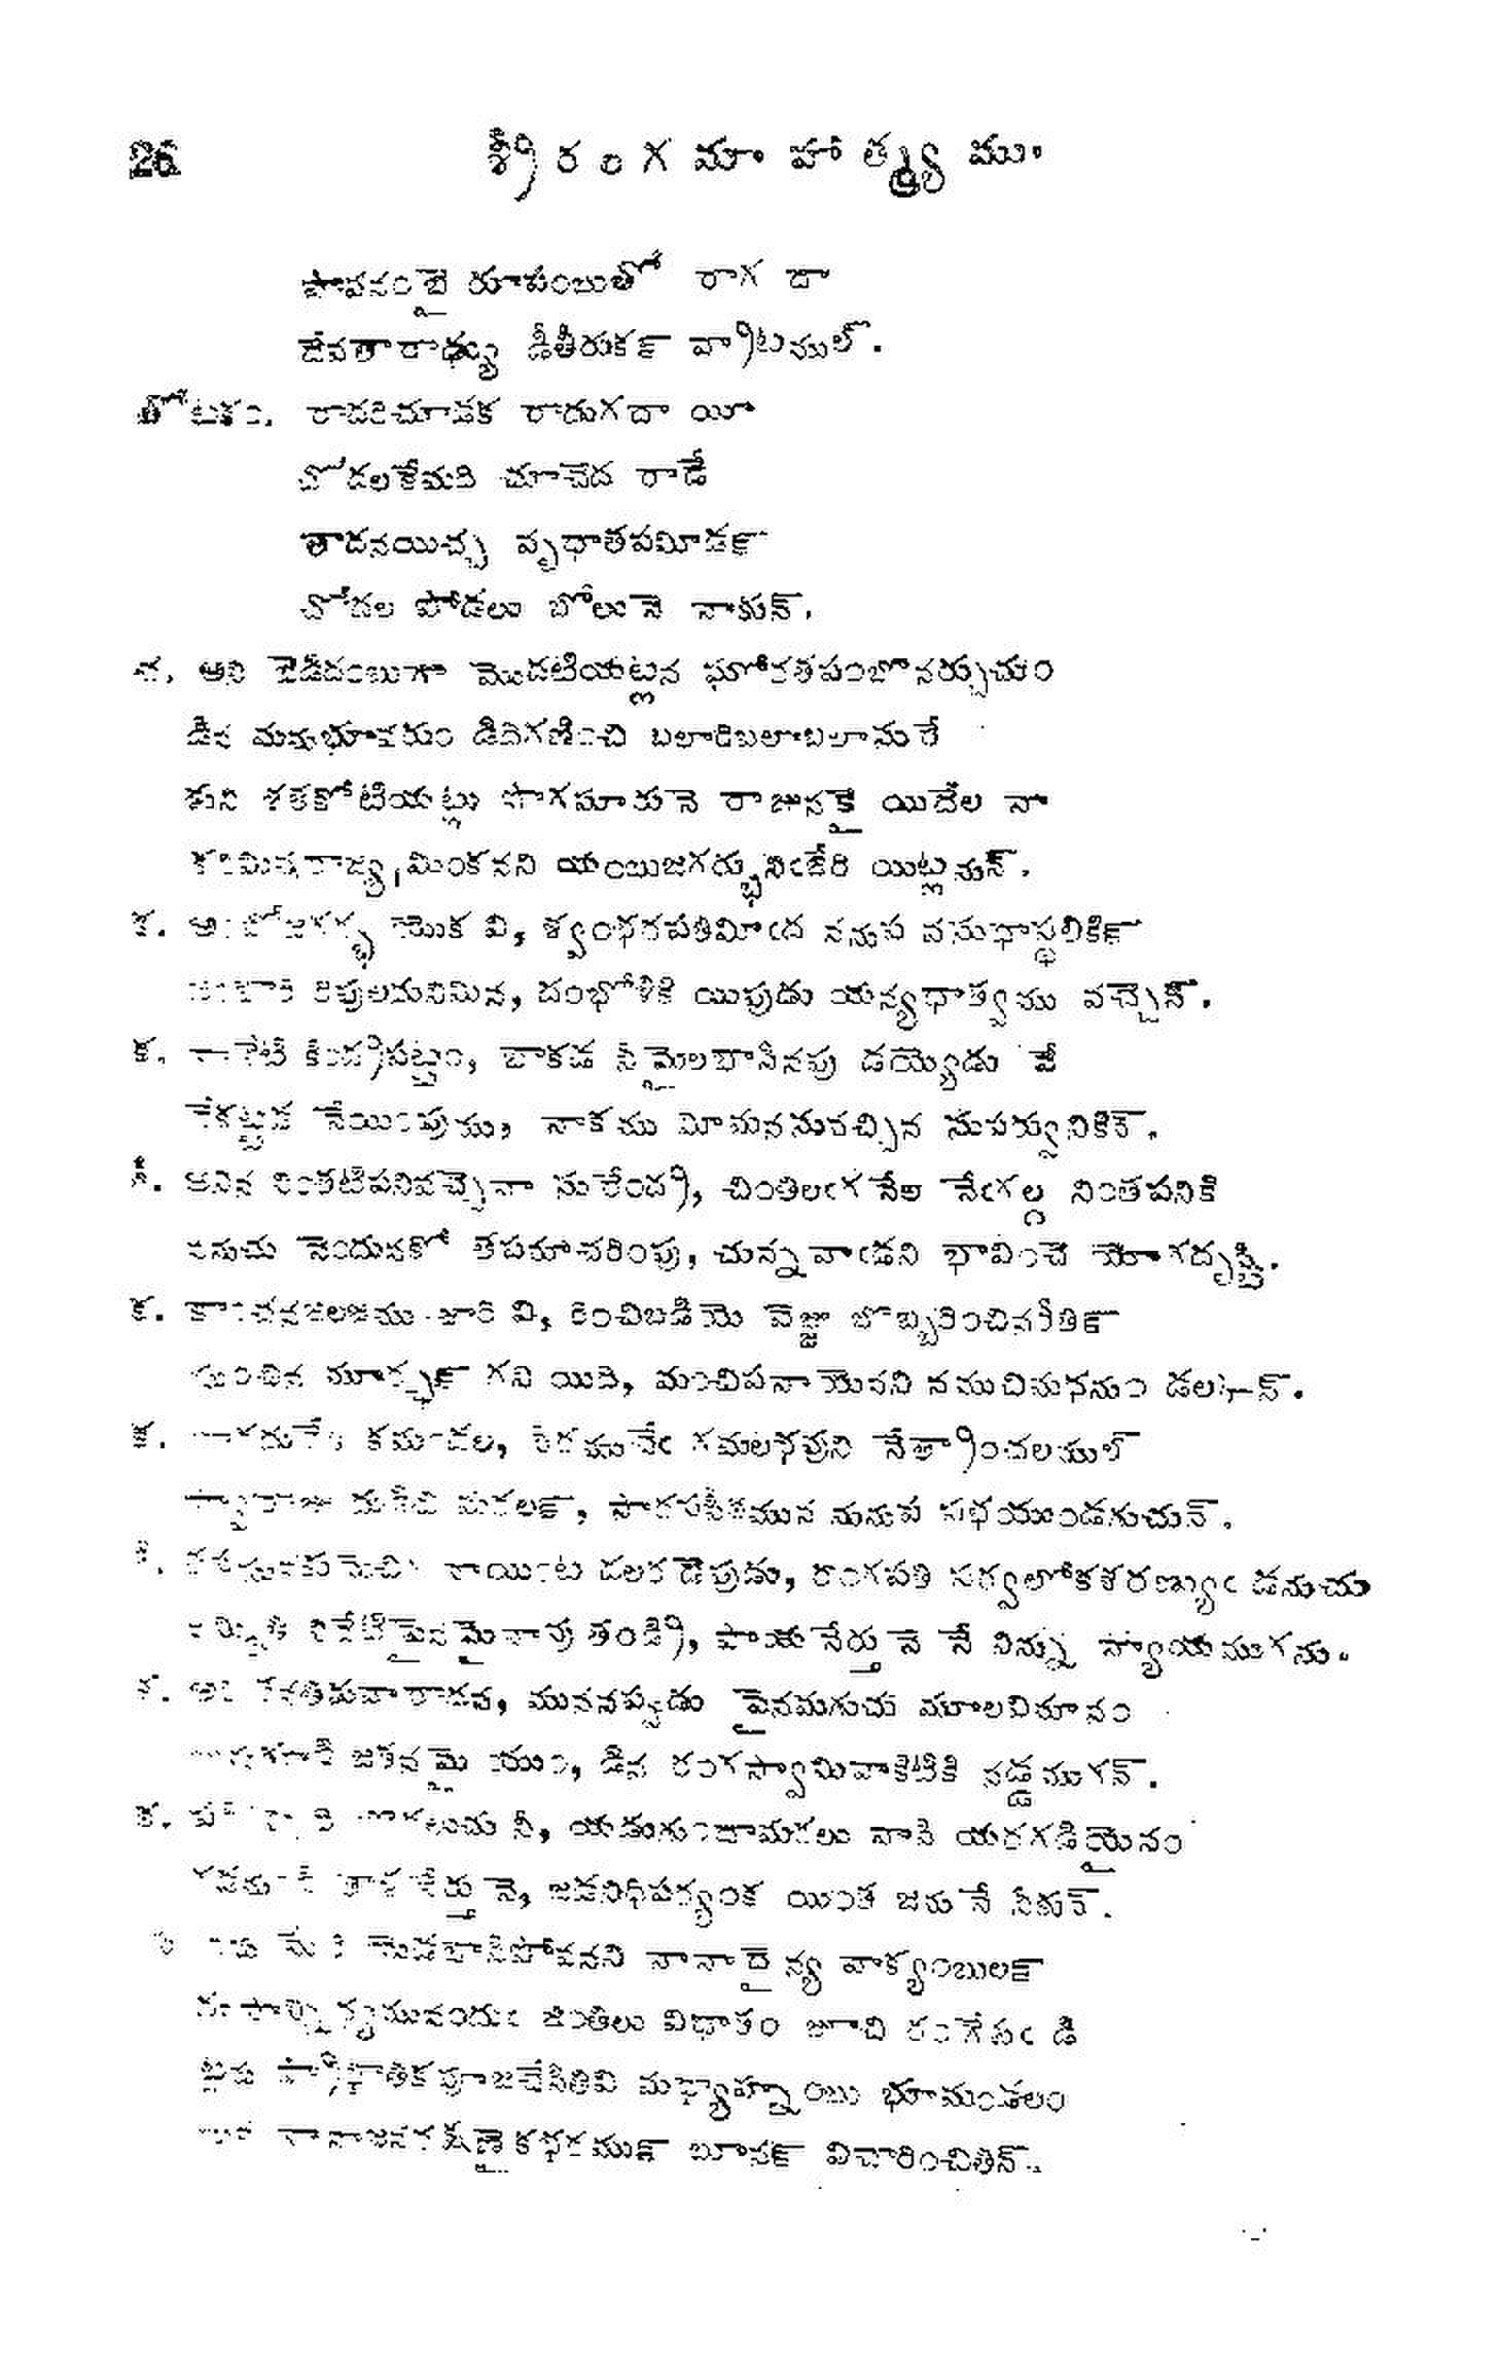పావనంబై రూపంబుతో రాగ దా
 దేవతారాఢ్యుఁ డీతీరుకన్ వ్రాటముల్.
తోటకం. రాదరిచూడక రారుగదా యీ
 చోదలకేమది చూచెద రాడే
 తాదనయిచ్చ వృధాతపమీడన్
 చోదల పోడలు బోలునె నాకున్.
చ. అని పెడదంబుగా మొదటియట్లన ఘోరతపంబొనర్చుచుం
 డిన మనుభూవరుం డిదిగణించి బలారిబలాబలాసురే
కుని శతకోటియట్లు పొగసూరునె రాజునకై యిదేల నా
 కనిమిషరాజ్య మింక నని యంబుజగర్భునిఁ జేరి యిట్లనున్.
క. అంభోజగర్భ యొక వి, శ్వంభరపతిమీఁద ననుప వసుధాస్థలికిన్
 జంభారి రిపుల దునిమిన, దంభోళికి యిపుడు యన్యధాత్వము వచ్చెన్.
క. నాకేటి కింద్రపట్టం, బాకడ నీమైలబాసినపు డయ్యెడు వే
 రేకట్టడ నేయింపుము, నాకము మీమనసునచ్చిన సుపర్వునికిన్.
గీ. అనిన నింతటిపనివచ్చెనా సురేంద్ర, చింతిలఁగనేల నేఁగల్గ నింతపనికి
 ననుచు నెందునకో తపమాచరింపు, చున్నవాఁడని భావించె యోగదృష్టి.
క. కాంచనజలము జారి వి, రించిబడియె వెజ్జు బొబ్బరించినరీతిన్
 ముంచిన మూర్ఛన్ గని యిది, మంచిపనాయెనని నముచిమధనుం డల్కన్.
క. బారదునేల కమండల, నీరముచేఁ గమలభవుని నేత్రాంచలముల్
 స్వారాజు దుడిచి మరలన్, సారసపీఠమున నునుప సభయుండగుచున్.
గీ. తపసునకు మెచ్చి నాయింట దలరడెపుడు, రంగపతి సర్వలోకశరణ్యుఁ డనుచు
 నమ్మితి నిదేటి పైన మైనావు తండ్రి, పాయనేర్తునె నే నిన్ను న్యాయముగను.
క. అని నే నతిరువారాదన, ముననప్పుడు పైనమగుచు మూలవిమానం
 బునుగూడి జతనమై యుం, డిన రంగస్వామివాకిటికి నడ్డముగన్.
క. పడిసన్నిధి బొరలుచు నీ, యడుగుందామరలు వాసి యరగడియైనం
 గడనుండి తాళనేర్తునె, జడనిధిపర్యంక యింత జనునే నీకున్.
మ. నను మేరి యెడబాసిపోవనని నానాదైన్యవాక్యంబులన్
 ననసాన్నిధ్యమునందు జింతిలు విధాతం జూచి రంగేశుఁ డి
 ట్లను ప్రాభాతికపూజ చేసితివి మధ్యాహ్నంబు భూమండలం
 బున నానాజనరక్షణెకభరమున్ బూనన్ విచారించితిన్.